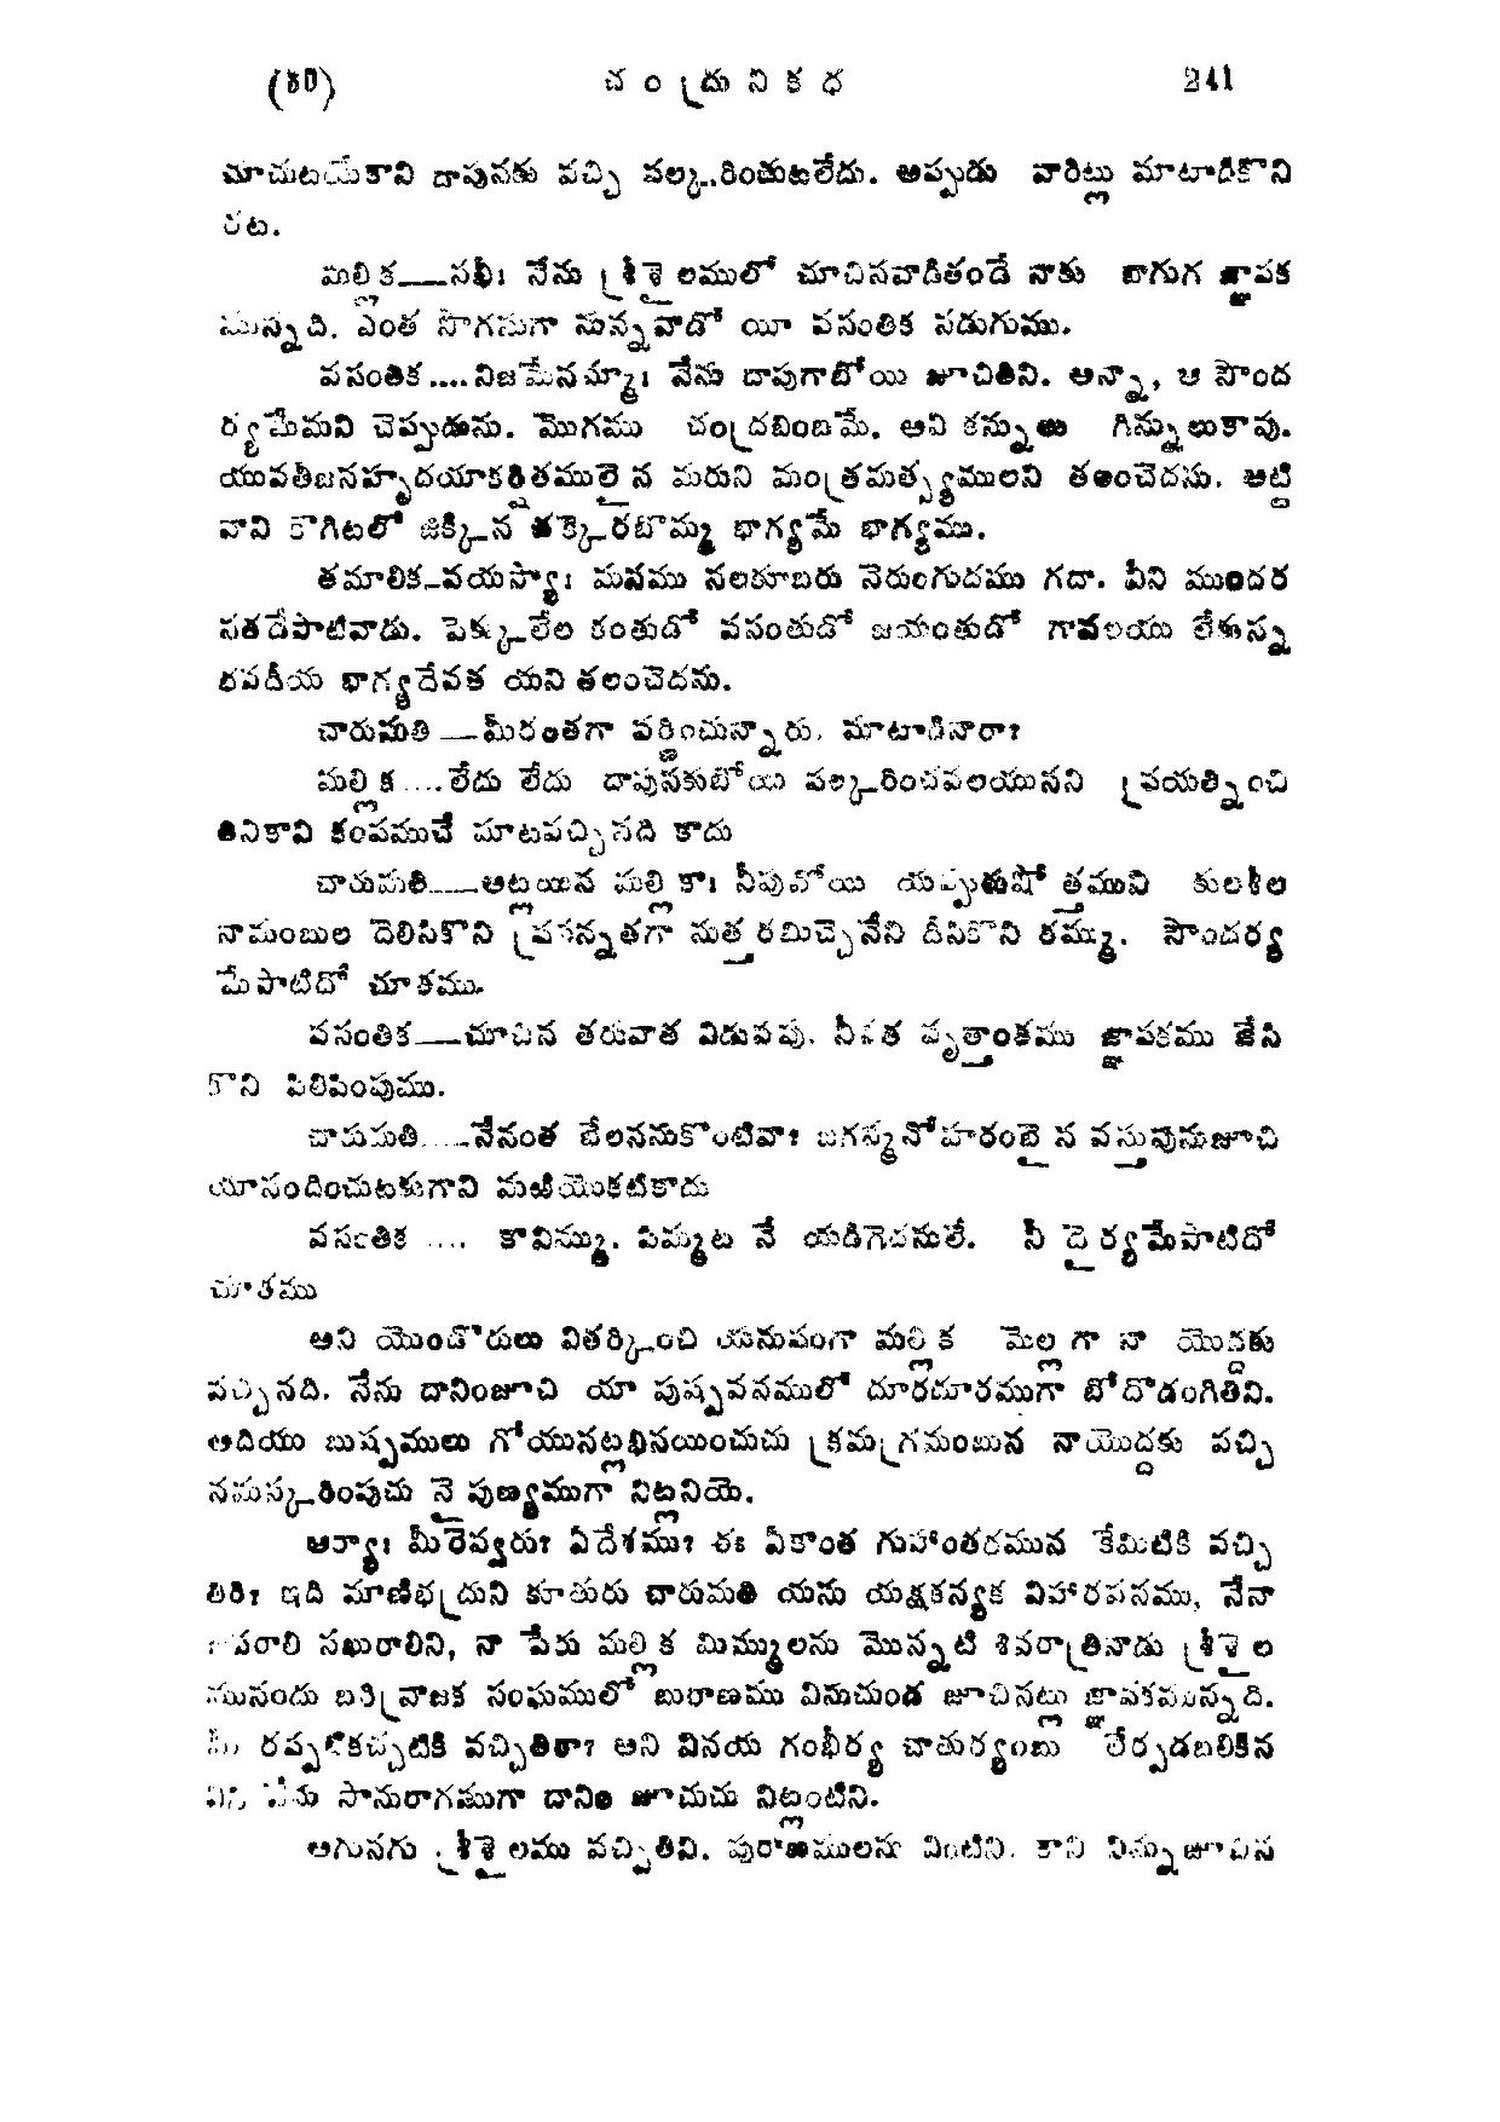చూచుటయేకాని దాపునకు వచ్చి పల్కరించుటలేదు. అప్పుడు వారిట్లు మాటాడికొనిరట.

మల్లిక - సఖీ! నేను శ్రీశైలములో చూచినవాడితండే నాకు బాగుగ జ్ఞాపకమున్నది. ఎంత సొగసుగా నున్నవాడో యీ వసంతిక నడుగుము.

వసంతిక - నిజమేనమ్మా! నేను దాపుగాబోయి జూచితిని. అన్నా, ఆ సౌందర్యమేమని చెప్పుదును. మొగము చంద్రబింబమే. అవి కన్నులు గిన్నులుకావు. యువతీజనహృదయాకర్షితములైన మరుని మంత్రమత్స్యములని తలంచెదను. అట్టివాని కౌగిటలో జిక్కిన చక్కెరబొమ్మ భాగ్యమే భాగ్యము.

తమాలిక - వయస్యా! మనము నలకూబరు నెరుంగుదము గదా. వీని ముందర నతడేపాటివాడు. పెక్కులేల కంతుడో వసంతుడో జయంతుడో గావలయు లేకున్న భవదీయ భాగ్యదేవత యని తలంచెదను.

చారుమతి - మీరంతగా వర్ణించున్నారు. మాటాడినారా ?

మల్లిక - లేదు లేదు దాపునకుబోయి పల్కరించవలయునని ప్రయత్నించితినికాని కంపముచే మాటవచ్చినది కాదు

చారుమతి - అట్లయిన మల్లి కా! నీవువోయి యప్పురుషోత్తముని కులశీలనామంబుల దెలిసికొని ప్రసన్నతగా నుత్తరమిచ్చెనేని దీసికొని రమ్ము. సౌందర్య మేపాటిదో చూతము.

వసంతిక - చూచిన తరువాత విడువవు. నీవరవృత్తాంతము జ్ఞాపకము జేసికొని పిలిపింపుము.

చారుమతి - నేనంత బేలననుకొంటివా ? జగన్మనోహరంబైన వస్తువునుజూచి యానందించుటకుగాని మఱియొకటికాదు.

వసంతిక - కానిమ్ము. పిమ్మట నే యడిగెదనులే. నీ ధైర్యమేపాటిదో చూతము

అని యొండొరులు వితర్కించి యనుషంగా మల్లిక మెల్లగా నా యొద్దకు వచ్చినది. నేను దానింజూచి యా పుష్పవనములో దూరదూరముగా బోదొడంగితిని. అదియు బుష్పములు గోయునట్లభినయించుచు క్రమగ్రమంబున నాయొద్దకు వచ్చి నమస్కరింపుచు నైపుణ్యముగా నిట్లనియె.

ఆర్యా! మీరెవ్వరు? ఏదేశము? ఈ ఏకాంతగుహాంతరమున కేమిటికి వచ్చితిరి? ఇది మాణిభద్రుని కూతురు చారుమతి యను యక్షకన్యక విహారవనము, నేనా జవరాలి సఖురాలిని, నా పేరు మల్లిక మిమ్ములను మొన్నటి శివరాత్రినాడు శ్రీశైలమునందు బరివ్రాజకసంఘములో బురాణము వినుచుండ జూచినట్లు జ్ఞాపకమున్నది. మీ రప్పటి కచ్చటికి వచ్చితిరా? అని వినయగంభీర్యచాతుర్యంబు లేర్పడబలికిన విని నేను సానురాగముగా దానిం జూచుచు నిట్లంటిని.

అగునగు శ్రీశైలము వచ్చితిని. పురాణములను వింటిని. కాని నిన్నుజూచిన